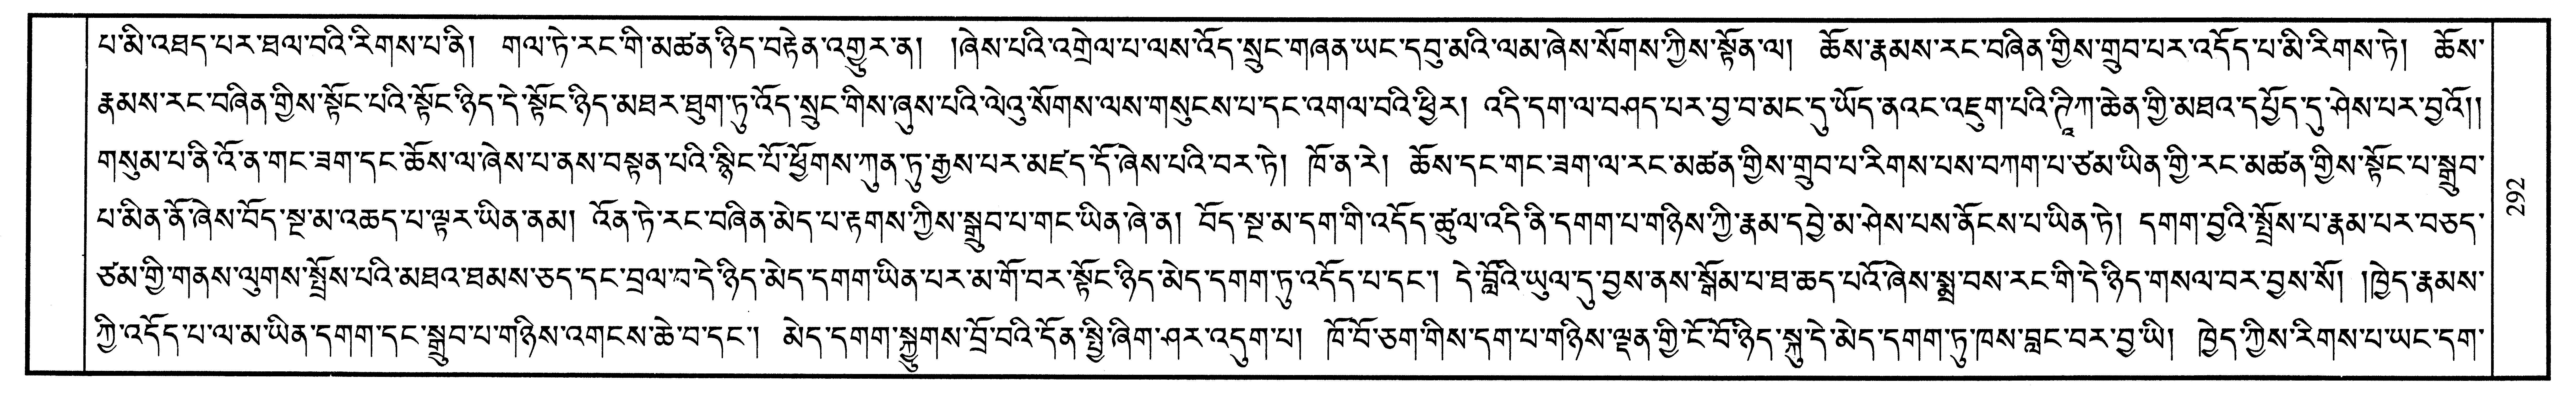པ་མི་འཐད་པར་ཐལ་བའི་རིགས་པ་ནི། གལ་ཏེ་རང་གི་མཚན་ཉིད་བརྟེན་འགྱུར་ན། །ཞེས་པའི་འགྲེལ་པ་ལས་འོད་སྲུང་གཞན་ཡང་དབུ་མའི་ལམ་ཞེས་སོགས་ཀྱིས་སྟོན་ལ། ཆོས་རྣམས་རང་བཞིན་གྱིས་གྲུབ་པར་འདོད་པ་མི་རིགས་ཏེ། ཆོས་
རྣམས་རང་བཞིན་གྱིས་སྟོང་པའི་སྟོང་ཉིད་དེ་སྟོང་ཉིད་མཐར་ཐུག་ཏུ་འོད་སྲུང་གིས་ཞུས་པའི་ལེའུ་སོགས་ལས་གསུངས་པ་དང་འགལ་བའི་ཕྱིར། འདི་དག་ལ་བཤད་པར་བྱ་བ་མང་དུ་ཡོད་ནའང་འཇུག་པའི་ཊཱིཀ་ཆེན་གྱི་མཐའ་དཔྱོད་དུ་ཤེས་པར་བྱའོ།།
གསུམ་པ་ནི་འོ་ན་གང་ཟག་དང་ཆོས་ལ་ཞེས་པ་ནས་བསྟན་པའི་སྙིང་པོ་ཕྱོགས་ཀུན་ཏུ་རྒྱས་པར་མཛད་དོ་ཞེས་པའི་བར་ཏེ། ཁོ་ན་རེ། ཆོས་དང་གང་ཟག་ལ་རང་མཚན་གྱིས་གྲུབ་པ་རིགས་པས་བཀག་པ་ཙམ་ཡིན་གྱི་རང་མཚན་གྱིས་སྟོང་པ་སྒྲུབ་
པ་མིན་ནོ་ཞེས་བོད་སྔ་མ་འཆད་པ་ལྟར་ཡིན་ནམ། འོན་ཏེ་རང་བཞིན་མེད་པ་རྟགས་ཀྱིས་སྒྲུབ་པ་གང་ཡིན་ཞེ་ན། བོད་སྔ་མ་དག་གི་འདོད་ཚུལ་འདི་ནི་དགག་པ་གཉིས་ཀྱི་རྣམ་དབྱེ་མ་ཤེས་པས་ནོངས་པ་ཡིན་ཏེ། དགག་བྱའི་སྤྲོས་པ་རྣམ་པར་བཅད་
ཙམ་གྱི་གནས་ལུགས་སྤྲོས་པའི་མཐའ་ཐམས་ཅད་དང་བྲལ་བ་དེ་ཉིད་མེད་དགག་ཡིན་པར་མ་གོ་བར་སྟོང་ཉིད་མེད་དགག་ཏུ་འདོད་པ་དང་། དེ་བློའི་ཡུལ་དུ་བྱས་ནས་སྒོམ་པ་ཐ་ཆད་པའོ་ཞེས་སྨྲ་བས་རང་གི་དེ་ཉིད་གསལ་བར་བྱས་སོ། །ཁྱེད་རྣམས་
ཀྱི་འདོད་པ་ལ་མ་ཡིན་དགག་དང་སྒྲུབ་པ་གཉིས་འགངས་ཆེ་བ་དང་། མེད་དགག་སྐྱུགས་བྲོ་བའི་དོན་སྤྱི་ཞིག་ཤར་འདུག་པ། ཁོ་བོ་ཅག་གིས་དག་པ་གཉིས་ལྡན་གྱི་ངོ་བོ་ཉིད་སྐུ་དེ་མེད་དགག་ཏུ་ཁས་བླང་བར་བྱ་ཡི། ཁྱེད་ཀྱིས་རིགས་པ་ཡང་དག་